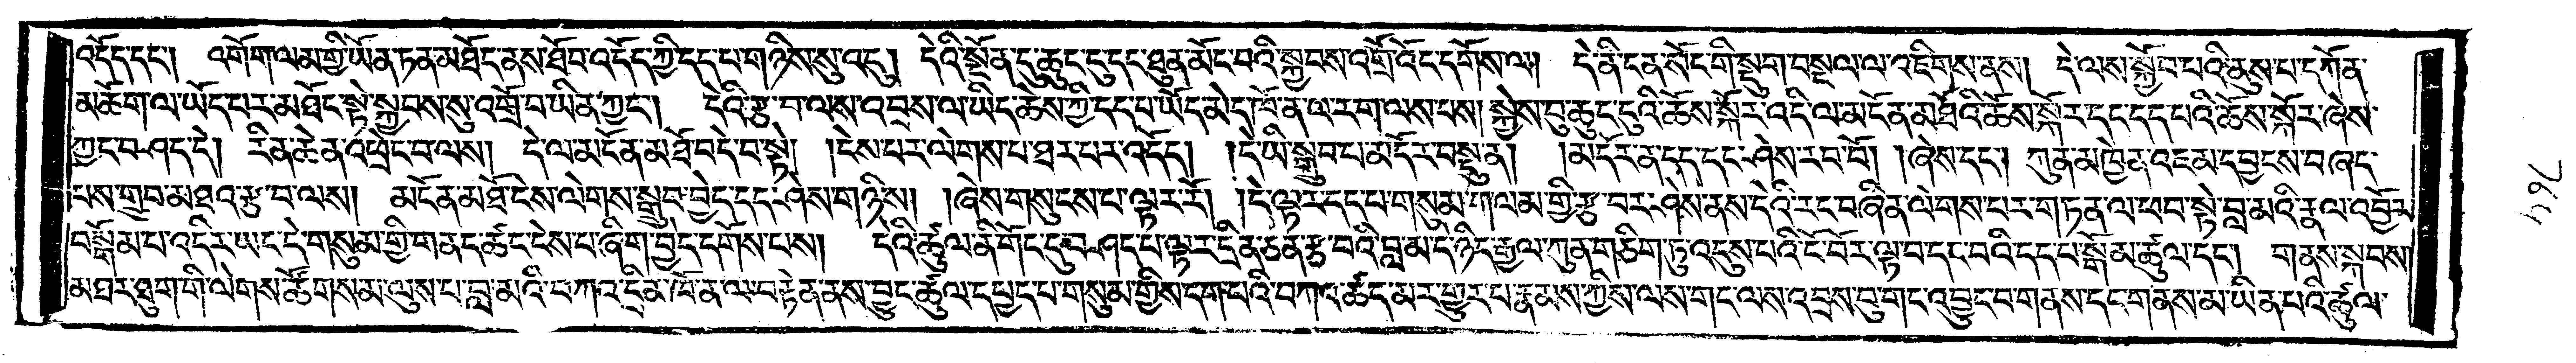འདོད་དང་། འགོག་ལམ་གྱི་ཡོན་ཏན་མཐོང་ནས་ཐོབ་འདོད་ཀྱི་དད་པ་གཉིས་སུ་འདུ། དེའི་སྔོན་དུ་ཆུང་དུ་དང་ཐུན་མོང་བའི་སྐྱབས་འགྲོའོང་དགོས་ལ། དེ་ནི་ངན་སོང་གི་སྡུག་བསྔལ་ལ་འཇིགས་ནས། དེ་ལས་སྐྱོབ་པའི་ནུས་པ་དཀོན་
མཆོག་ལ་ཡོད་པར་མཐོང་སྟེ་སྐྱབས་སུ་འགྲོ་བ་ཡིན་ཀྱང་། དེའི་རྩ་བ་ལས་འབྲས་ལ་ཡིད་ཆེས་ཀྱི་དད་པ་ཡོད་མེད་ཁོ་ན་ལ་རག་ལས་བས། སྐྱེས་བུ་ཆུང་ངུའི་ཆོས་སྐོར་འདི་ལ་མངོན་མཐོའི་ཆོས་སྐོར་དང་དད་པའི་ཆོས་སྐོར་ཞེས་
ཀྱང་བཤད་དེ། རིན་ཆེན་འཕྲེང་བ་ལས། དེ་ལ་མངོན་མཐོ་བདེ་བ་སྟེ། །དེས་པར་ལེགས་པ་ཐར་པར་འདོད། །དེ་ཡི་སྒྲུབ་པ་མདོར་བསྡུན། །མདོར་ན་དད་དང་ཤེས་རབ་བོ། །ཞེས་དང་། ཀུན་མཁྱེན་འཇམ་དབྱངས་བཞད་
པས་གྲུབ་མཐའ་རྩ་བ་ལས། མངོན་མཐོ་ངེས་ལེགས་སྒྲུབ་བྱེད་དད་ཤེས་གཉིས། །ཞེས་གསུངས་པ་ལྟར་རོ། །དེ་ལྟར་དད་པ་གསུམ་གསལ་གྱི་རྩ་བར་ཤེས་ནས་དེའི་རང་བཞིན་ལེགས་པར་གཏན་ལ་ཕབ་སྟེ་བླ་མའི་རྣལ་འབྱོར་
བསྒོམ་པ་འདིར་ཡང་དེ་གསུམ་གྱི་གནད་ཚང་ངེས་པ་ཞིག་བྱེད་དགོས་པས། དེའི་ཚུལ་ནི་གོང་དུ་བཤད་པ་ལྟར་དྲིན་ཅན་རྩ་བའི་བླ་མ་དེ་ཉིད་རྒྱལ་ཀུན་གཅིག་ཏུ་འདུས་པའི་ངོ་བོར་ལྟ་བ་དང་བའི་དད་པ་སྒོམ་ཚུལ་དང་། གནས་སྐབས་
མཐར་ཐུག་གི་ལེགས་ཚོགས་མ་ལུས་པ་བླ་མའི་བཀའ་དྲིན་ཁོ་ན་ལ་བརྟེན་ནས་བྱུང་ཚུལ་དཔྱད་པ་གསུམ་གྱིས་དག་པའི་བཀའ་ཚད་མར་གྱུར་པ་རྣམས་ཀྱིས་ལས་གང་ལས་འབྲས་བུ་གང་འབྱུང་བ་གནས་དང་གནས་མ་ཡིན་པའི་ཚུལ་